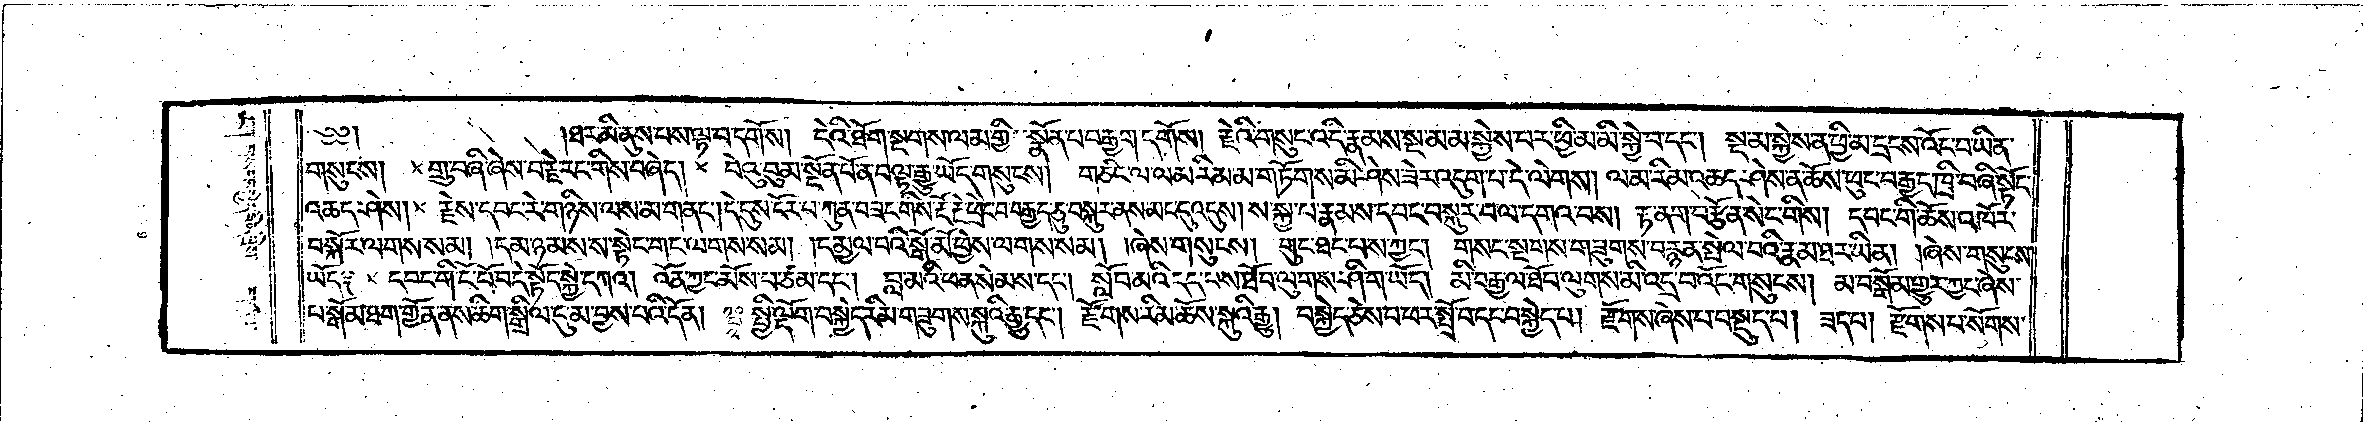༄༅། །ཐར་མི་ནུས་པས་ལྟ་བ་དགོས། དེའི་ཐོག་སྔགས་ལམ་གྱི་སྣོན་པ་བརྒྱག་དགོས། རྗེའི་གསུང་འདི་རྣམས་སྔ་མ་མ་སྐྱེས་པར་ཕྱི་མ་མི་སྐྱེ་བ་དང་། སྔ་མ་སྐྱེས་ན་ཕྱི་མ་དྲངས་འོང་བ་ཡིན་
གསུངས། ྾་གྲུ་བཞི་ཞེས་བ་རྗེ་རང་གིས་བཞེད། ྾་བེའུ་བུམ་སྔོན་པོ་ན་བལྟ་རྒྱུ་ཡོད་གསུངས། གཙང་ལ་ལམ་རིམ་མ་གཏོགས་མི་ཤེས་ཟེར་འདུག་པ་དེ་ལེགས། ལམ་རིམ་འཆད་ཤེས་ན་ཆོས་ཕུང་བརྒྱད་ཁྲི་བཞི་སྟོང་
འཆད་ཤེས། ྾་རྗེས་དབང་རེ་གཉིས་ལས་མ་གནང་། དེ་དུས་ངོར་པ་ཀུན་བཟང་གིས་རྡོ་རྗེ་ཕྲེང་བ་བརྒྱད་ཅུ་བསྐུར་ནས་མང་དུ་འདུས། ས་སྐྱ་པ་རྣམས་དབང་བསྐུར་བ་ལ་དགའ་བས། རྟ་ནག་བརྩོན་སེང་གིས། དབང་གི་ཆོས་འཁོར་
བསྐོར་ལགས་སམ། །དམ་ཉམས་ས་སྟེང་གང་ལགས་སམ། །དམྱལ་བའི་སྒོ་མོ་ཕྱེས་ལགས་སམ། །ཞེས་གསུངས། གུང་ཐང་པས་ཀྱང་། གསང་སྔགས་གཟུགས་བརྙན་སྤེལ་བའི་རྣམ་ཐར་ཡིན། །ཞེས་གསུངས་
ཡོད༑ ྾་དབང་གི་ངོ་བོ་བདེ་སྟོད་སྐྱེ་དཀའ། འོན་ཀྱང་མོས་པ་ཙམ་དང་། བླ་མའི་ཕན་སེམས་དང་། སློབ་མའི་དད་པས་ཐོབ་ལུགས་ཤིག་ཡོད། མི་བརྒྱ་ལ་ཐོབ་ལུགས་མི་འདྲ་བ་འོང་གསུངས། མ་བསྒོམ་གྱུར་ཀྱང་ཞེས་
པ་སྒོམ་ཐག་གྱོན་ནས་ཆིག་སྒྲིལ་དུ་མ་བྱས་པའི་དོན། ༡༠པ༢་སྤྱི་ལྡོག་བསྐྱེད་རིམ་གཟུགས་སྐུའི་རྒྱུ་དང་། རྫོགས་རིམ་ཆོས་སྐུའི་རྒྱུ། བསྐྱེད་ཅེས་པ་ཕར་སྤྲོ་བ་དང་བསྐྱེད་པ། རྫོགས་ཞེས་པ་བསྡུད་པ། ཟད་པ། རྫོགས་པ་སོགས་